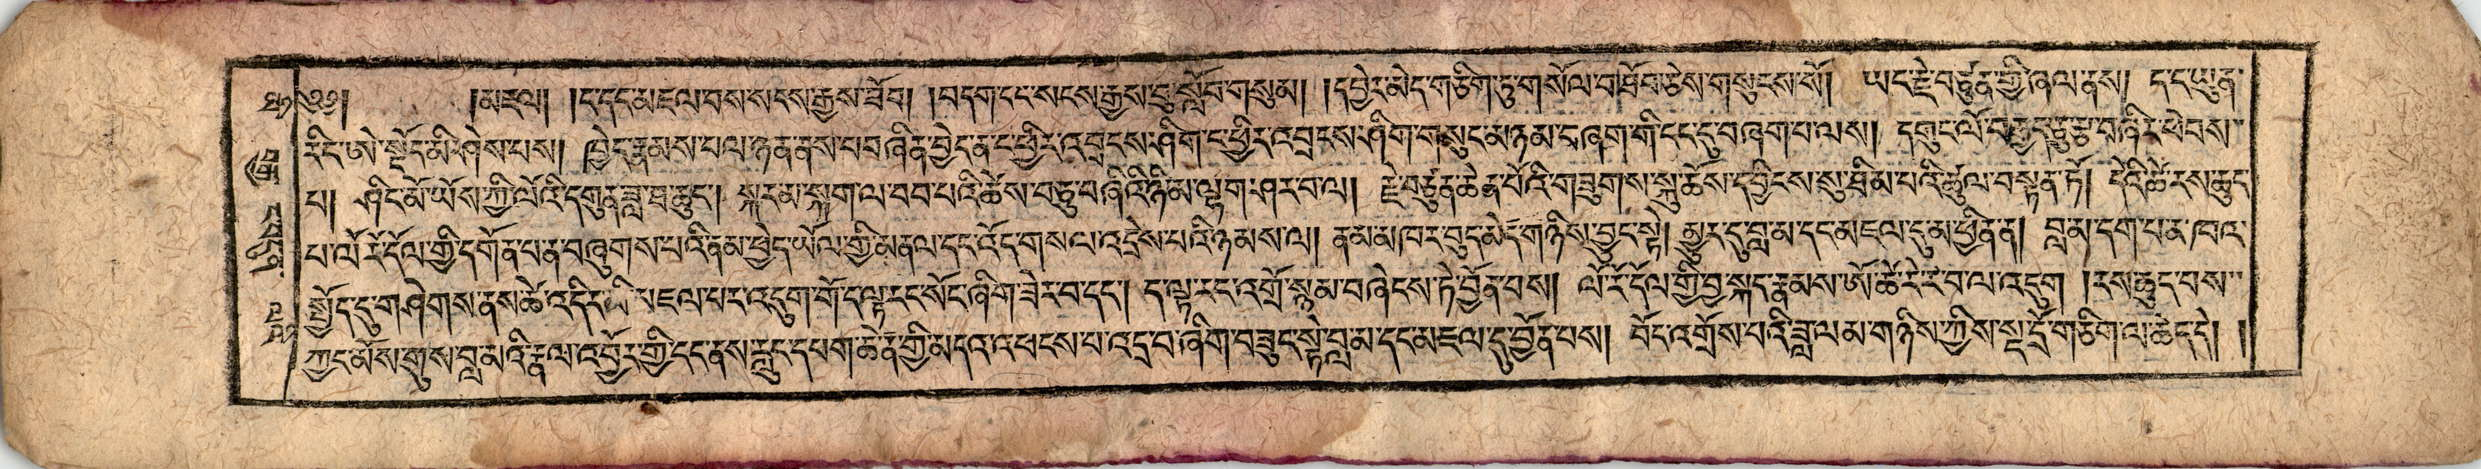མཇལ། །ང་དང་མཇལ་བས་སངས་རྒྱས་ཐོབ། །བདག་དང་སངས་རྒྱས་བུ་སློབ་གསུམ། །དབྱེར་མེད་གཅིག་ཏུ་གསོལ་བ་ཐོབ། །ཅེས་གསུངས་སོ། །ཡང་རྗེ་བཙུན་གྱི་ཞལ་ནས། ད་ང་ཡུན་
རིང་ཨེ་སྡོད་མི་ཤེས་པས། ཁྱེད་རྣམས་པ་ལ་ཉན་ནས་ང་བཞིན་བྱེད་ན་ང་ཕྱིར་འབྲངས་ཤིག །ང་ཕྱིར་འབྲངས་ཤིག །གསུང་མཉམ་བཞག་གི་ངང་དུ་བཞག་པ་ལས། དགུང་ལོ་བརྒྱད་ཅུ་རྩ་བཞིར་ཕེབས་
པ། ཤིང་མོ་ཡོས་ཀྱི་ལོའི་དགུན་ཟླ་ཐ་ཆུང་། སྐར་མ་སྐག་ལ་བབ་པའི་ཚེས་བཅུ་བཞིའི་ཉི་མ་ལྷག་ཤར་བ་ལ། རྗེ་བཙུན་ཆེན་པོའི་གཟུགས་སྐུ་ཆོས་དབྱིངས་སུ་ཐིམ་པའི་ཚུལ་བསྟན་ཏོ། །དེའི་ཚེ་རས་ཆུང་
པ་ལོ་རོ་དོལ་གྱི་དགོན་པ་ན་བཞུགས་པའི་ནམ་ཕྱེད་ཡོལ་གྱི་མནལ་དང་འོད་གསལ་འདྲེས་པའི་ཉམས་ལ། ནམ་མཁར་བུད་མེད་གཉིས་བྱུང་སྟེ། མྱུར་དུ་བླ་མ་དང་མཇལ་དུ་མ་ཕྱིན་ན། བླ་མ་དག་པ་མཁའ་
སྤྱོད་དུ་གཤེགས་ནས་ཚེ་འདིར་མི་མཇལ་བར་འདུག་གོ །དལྟ་རང་སོང་ཞིག་ཟེར་བ་དང་། ད་ལྟ་རང་འགྲོ་སྙམ་བཞེངས་ཏེ་བྱོན་པས། ལོ་རོ་དོལ་གྱི་བྱ་སྐད་རྣམས་ཨོ་ཚེ་རེ་རེ་བ་ལ་འདུག །རས་ཆུང་པས་
ཀྱང་མོས་གུས་བླ་མའི་རྣལ་འབྱོར་གྱི་ངང་ནས་རླུང་དཔག་ཆེན་གྱི་མདའ་འཕངས་པ་འདྲ་བ་ཞིག་བཟུང་སྟེ་བླ་མ་དང་མཇལ་དུ་བྱོན་པས། བོང་འགྲོས་པའི་ཟླ་ལམ་གཉིས་ཀྱིས་སྔ་དྲོ་གཅིག་ལ་ཆོད་དེ།